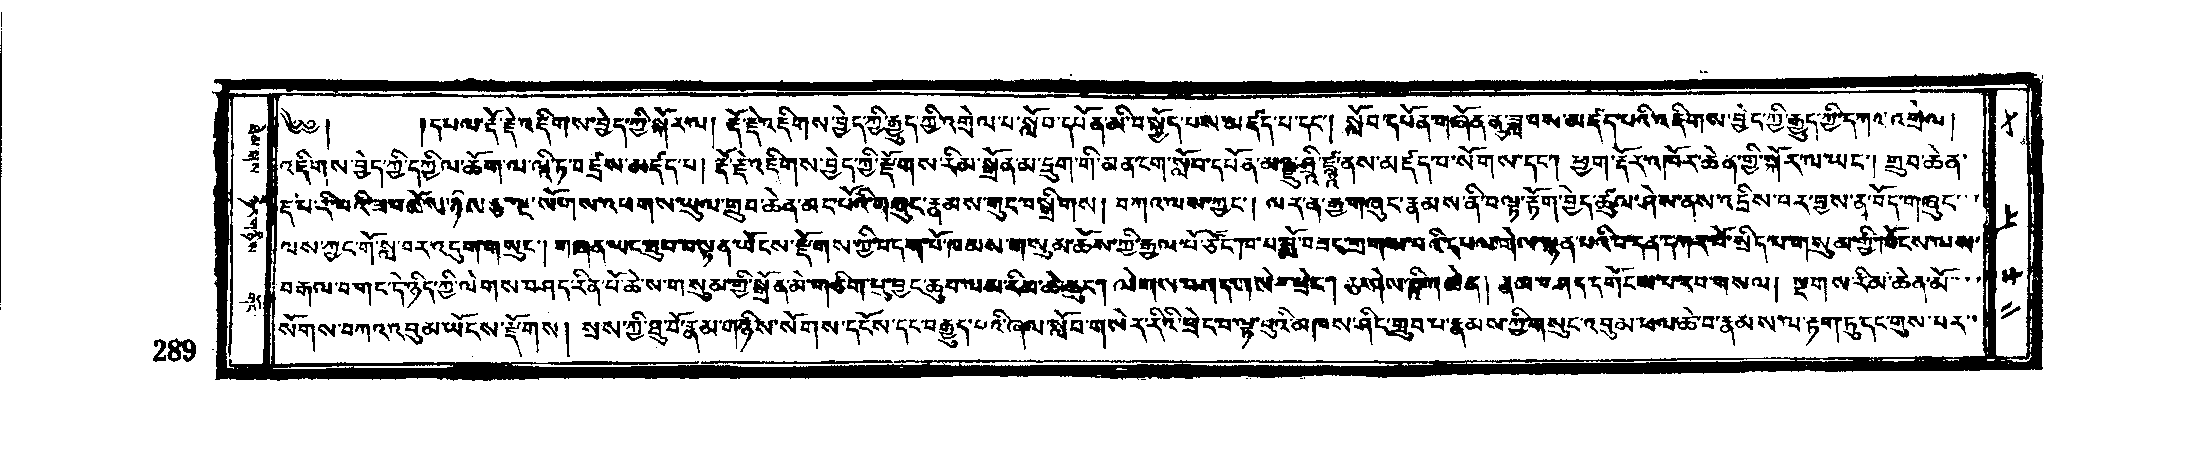༄༅། །དཔལ་རྡོ་རྗེ་འཇིགས་བྱེད་ཀྱི་སྐོར་ལ། རྡོ་རྗེ་འཇིགས་བྱེད་ཀྱི་རྒྱུད་ཀྱི་འགྲེལ་པ་སློབ་དཔོན་མི་བསྐྱོད་པས་མཛད་པ་དང་། སློབ་དཔོན་གཞོན་ནུ་ཟླ་བས་མཛད་པའི་འཇིགས་བྱེད་ཀྱི་རྒྱུད་ཀྱི་དཀའ་འགྲེལ།
འཇིགས་བྱེད་ཀྱི་དཀྱིལ་ཆོག་ལ་ལཱི་ཏ་བཛྲས་མཛད་པ། རྡོ་རྗེ་འཇིགས་བྱེད་ཀྱི་རྫོགས་རིམ་སྒྲོན་མ་དྲུག་གི་མན་ངག་སློབ་དཔོན་མཉྫུ་ཤྲཱི་ཛྙཱ་ནས་མཛད་པ་སོགས་དང་། ཕྱག་རྡོར་འཁོར་ཆེན་གྱི་སྐོར་ལ་ཡང་། གྲུབ་ཆེན་
ཛ་པ་རི་པའི་ཟབ་ཆོས་ཉེལ?་རྩ་ལྔ་སོགས་འཕགས་ཡུལ་གྲུབ་ཆེན་མང་པོའི་གཞུང་རྣམས་གུང་བསྒྲིགས། བཀའ་ལས་ཀྱང་། ལར་ན་རྒྱ་གཞུང་རྣམས་ནི་བལྟ་རྟོག་བྱེད་ཚུལ་ཤེས་ནས་འདྲིས་པར་བྱས་ན་བོད་གཞུང་
ལས་ཀྱང་གོ་སླ་བར་འདུག་གསུང་། གཞན་ཡང་ཐུབ་བསྟན་ཡོངས་རྫོགས་ཀྱི་བདག་པོ་ཁམས་གསུམ་ཆོས་ཀྱི་རྒྱལ་པོ་ཙོང་ཁ་པ་བློ་བཟང་གྲགས་པའི་དཔལ་གེས?་སྙན་པའི་བ་དན་དཀར་པོ་སྲིད་པ་གསུམ་གྱི་ཁོངས་ལས་
བརྒལ་བ་གང་དེ་ཉིད་ཀྱི་ལེགས་བཤད་རིན་པོ་ཆེ་ས་གསུམ་གྱི་སྒྲོན་མེ་གཅིག་པུ་བྱང་ཆུབ་ལམ་རིམ་ཆེ་ཆུང་། ལེགས་བཤད་གསེར་ཕྲེང་། ཅ?་ཤེས་ཥྐི?་ཆེན?། རྣམ་བཤད་དགོངས་པ་རབ་གསལ། སྔགས་རིམ་ཆེན་མོ་
སོགས་བཀའ་འབུམ་ཡོངས་རྫོགས། སྲས་ཀྱི་ཐུ་བོ་རྣམ་གཉིས་སོགས་དངོས་དང་བརྒྱུད་པའི་ཞལ་སློབ་གསེར་རིའི་ཕྲེང་བ་ལྟ་བུའི་མཁས་ཤིང་གྲུབ་པ་རྣམས་ཀྱི་གསུང་འབུམ་ཕལ་ཆེ་བ་རྣམས་ལ་རྟག་ཏུ་དང་གུས་པར་